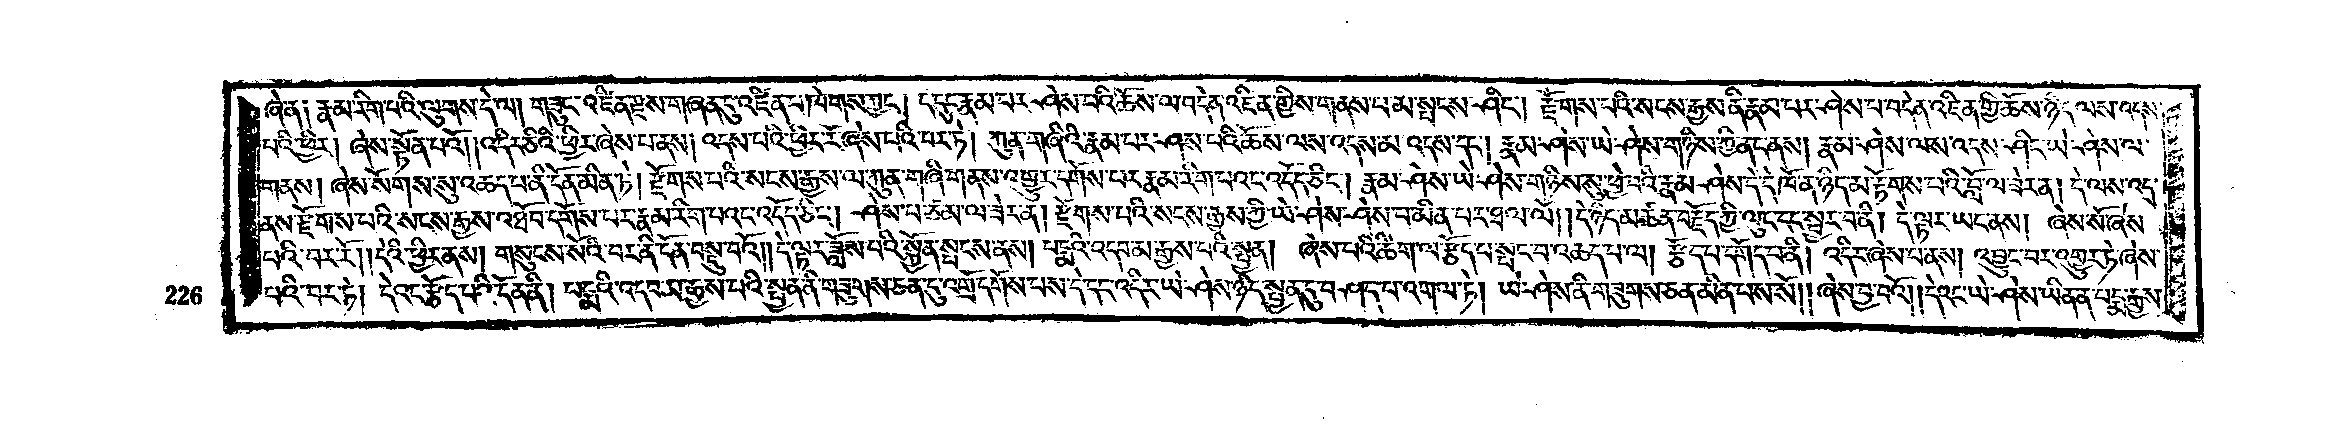ཞེ་ན། རྣམ་རིག་པའི་ལུགས་དེ་ལ། གཟུང་འཛིན་རྫས་གཞན་དུ་འཛིན་པ་ཁེགས་ཀྱང་། ད་དུང་རྣམ་པར་ཤེས་པའི་ཆོས་ལ་བདེན་འཛིན་ཀྱིས་གནས་པ་མ་སྤངས་ཤིང་། རྫོགས་པའི་སངས་རྒྱས་ནི་རྣམ་པར་ཤེས་པ་བདེན་འཛིན་གྱི་ཆོས་ཉིད་ལས་འདས་
པའི་ཕྱིར། ཞེས་སྟོན་པའོ། །འདིར་ཅིའི་ཕྱིར་ཞེས་པ་ནས། འདས་པའི་ཕྱིར་རོ་ཞེས་པའི་བར་ཏེ། ཀུན་གཞིའི་རྣམ་པར་ཤེས་པའི་ཆོས་ལས་འདས་མ་འདས་དང་། རྣམ་ཤེས་ཡེ་ཤེས་གཉིས་ཀྱི་ནང་ནས། རྣམ་ཤེས་ལས་འདས་ཤིང་ཡེ་ཤེས་ལ་
གནས། ཞེས་སོགས་སུ་འཆད་པ་ནི་དོན་མིན་ཏེ། རྫོགས་པའི་སངས་རྒྱས་ལ་ཀུན་གཞི་གནས་འགྱུར་དགོས་པར་རྣམ་རིག་པའང་འདོད་ཅིང་། རྣམ་ཤེས་ཡེ་ཤེས་གཉིས་སུ་ཕྱེ་བའི་རྣམ་ཤེས་དེ་དེ་ཁོ་ན་ཉིད་མ་རྟོགས་པའི་བློ་ལ་ཟེར་ན། དེ་ལས་འདར་
ནས་རྫོགས་པའི་སངས་རྒྱས་འཐོབ་དགོས་པར་རྣམ་རིག་པའང་འདོད་ཅིང་། ཤེས་པ་ཙམ་ལ་ཟེར་ན། རྫོགས་པའི་སངས་རྒྱས་ཀྱི་ཡེ་ཤེས་ཤེས་པ་མིན་པར་ཐལ་ལོ། །དེ་ཉིད་མཚན་བརྗོད་ཀྱི་ལུང་དང་སྦྱར་བ་ནི། དེ་ལྟར་ཡང་ནས། ཞེས་སོ་ཞེས་
པའི་བར་རོ། །དེའི་ཕྱིར་ནས། གསུངས་སོའི་བར་ནི་དོན་བསྡུ་བའོ། །དེ་ལྟར་ཟློས་པའི་སྐྱོན་སྤངས་ནས། པདམའི་འདབ་མ་རྒྱས་པའི་སྤྱན། ཞེས་པའི་ཚིག་ལ་རྩོད་པ་སྤང་བ་འཆད་པ་ལ། རྩོད་པ་དགོད་པ་ནི། འདིར་ཞེས་པ་ནས། འབྱུང་བར་འགྱུར་ཏེ་ཞེས་
པའི་བར་ཏེ། དེའང་རྩོད་པའི་དོན་ནི། པདམའི་འདབ་མ་རྒྱས་པའི་སྤྱན་ནི་གཟུགས་ཅན་དུ་འགྲོ་དགོས་པས་དེ་དང་འདིར་ཡེ་ཤེས་ཉིད་སྤྱན་དུ་བཤད་པ་འགལ་ཏེ། ཡེ་ཤེས་ནི་གཟུགས་ཅན་མིན་པས་སོ། །ཞེས་བྱ་བའོ། །དེའང་ཡེ་ཤེས་ཡིན་ན་པདམ་རྒྱས་